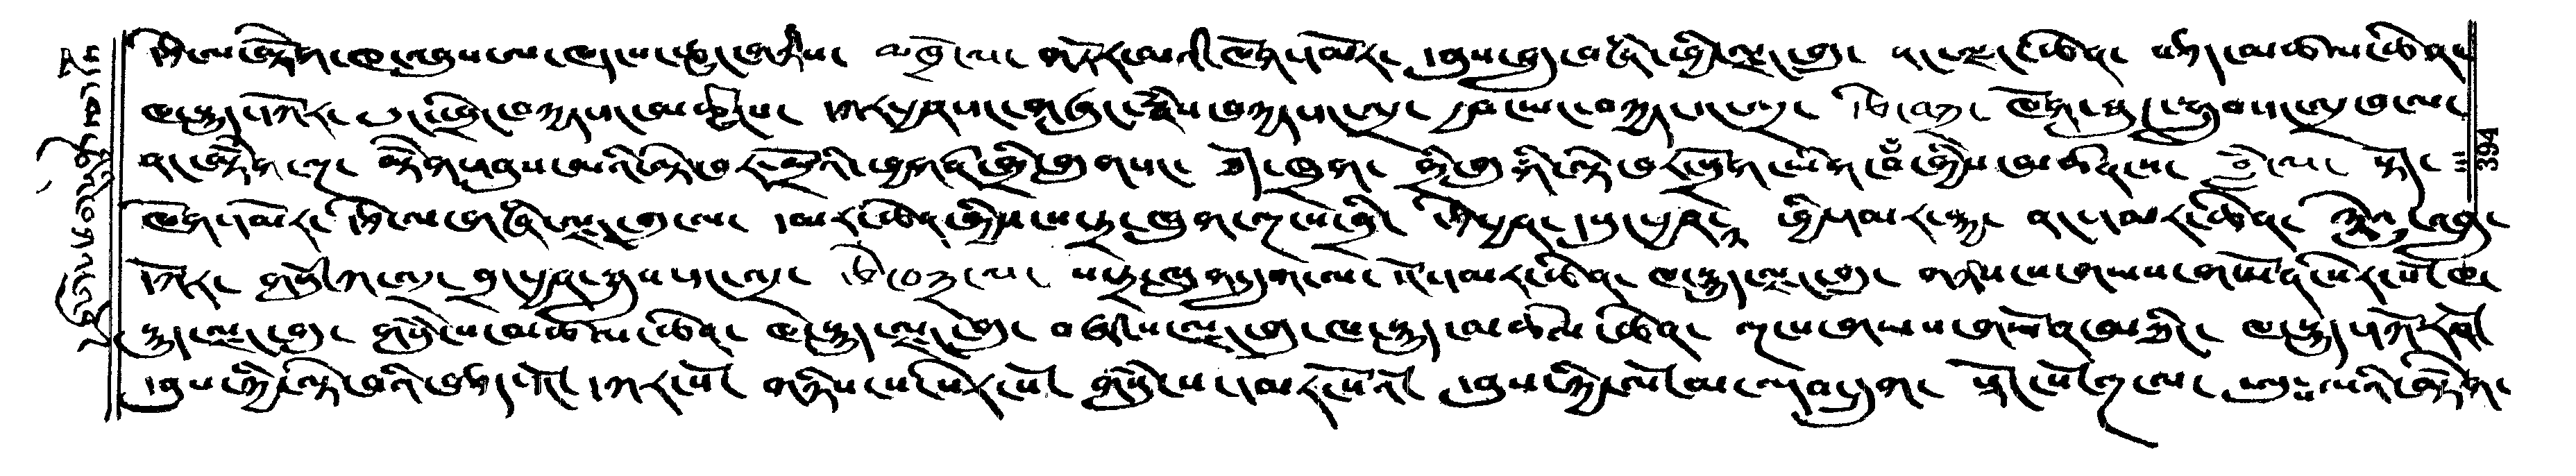རྩེ་ལ་མེ་ཏོག་ཁ་འབུས་ལ་ཁད་པ་ཆེ་ཆུང་གཉིས། མཁའ་འགྲོ་ལ་གཏོར་མའི་ཁོག་དམར་པོ། དབུས་གྲུ་བཞི་ཕྱི་ལྗང་གུ། ནང་ལྗང་ཆེན། བཅད་མཚལ་ཆེན། 
ཁ་སྐུད་དཀར་པོ། དུང་ཕྲེང་བཀའ་བརྒྱད་དང་མཚུངས། དཀར་རྒྱན་དང་གཞུང་རྣམས་བཀའ་བརྒྱད་དང་འདྲ། རྒྱབ་ཡང་བཀའ་བརྒྱད་དང་འདྲ། རྩེ་བཀྲ ཁོག་ཐུགས་སྒྲུབ་དང་འདྲ་བ་ལ་
ནང་མེ་ཏོག་ལྔ། མེ་ཏོག་དབུས་མའི་ལྟེ་བར་མཁའ་འགྲོའི་ཕྱག་མཚན་གྲི་གུག་དང་། ཐོད་ཁྲག གྲི་གུག་གི་ལྟེ་བར་སྲོག་ཡིག་བཾ་གྱིས་མཚན་པ། བླ་མ་ལ། སྟོད་
ཁོག་དམར་པོ། རྩཻ་མོ་གཞི་ལྗང་གུ་ལ། དམར་ཆེན་གྱིས་པ་ཏྲ་ཁུག་ལྔ་པ་བྲི། རྩེ་རྒྱན་དཔུང་རྒྱན་གཉིས། ཕྱི་དམར་སྐྱ། ནང་དམར་ཆེན། ཟེའུ་འབྲུ་
དཀར་པོ། གསུམ་ཀ་འདྲ། བྲང་རྒྱན་ཐུགས་སྒྲུབ་དང་འདྲ། རྩེ་བཀྲ་ལ། པ་ཏྲ་ཁུག་དྲུག་ལ་དང་པོ་དམར་ཆེན། ཁ་སྐུད་ལྗང་གུ། གཉིས་པ་གཡས་གཡོན་སེར་པོ། ཁ་
སྐུད་ལྗང་གུ། གསུམ་པ་མཚལ་ཆེན། ཁ་སྐུད་ལྗང་གུ། བཞི་པ་ལྗང་གུ། ཁ་སྐུད་མཚལ་ཆེན། ལྔ་པ་གཡས་གཡོན་མཐིང་། ཁ་སྐུད་དཀར་པོ་
དབུས་ཀྱི་ལྟེ་བའི་བཅད་དང་པོ་དཀར་པོ། གཉིས་པ་སེར་པོ། གསུམ་པ་དམར་པོའོ། །དབུས་ཀྱི་ལོ་མ་འདབ་དྲུག སྡོང་པོ་ལྔ་ལ། ཨུཏྤལའི་མེ་ཏོག